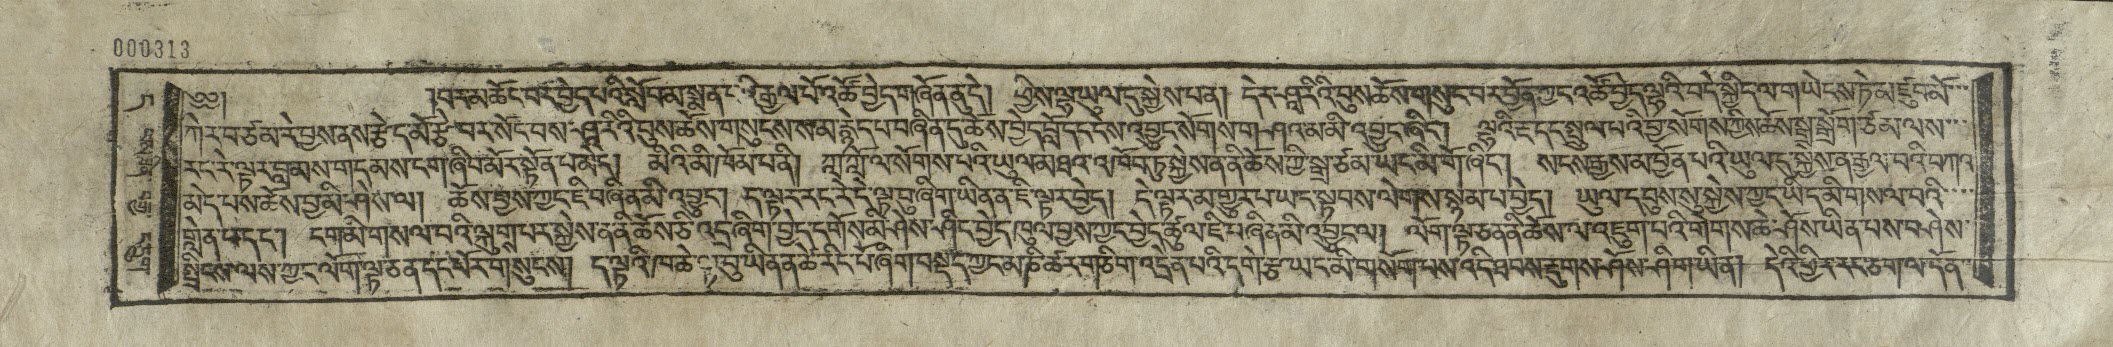༄༅། །བར་མཆོད་པར་བྱེད་པའི་སློབ་མ་སྨན་པའི་རྒྱལ་པོ་འཚོ་བྱེད་གཞོན་ནུ་དེ། ཕྱིས་ལྷ་ཡུལ་དུ་སྐྱེས་པ་ན། དེར་ཤཱ་རིའི་བུས་ཆོས་གསུང་བར་བྱོན་ཀྱང་འཚོ་བྱེད་ལྷའི་བདེ་སྐྱིད་ལ་གཡེངས་ཏེ་མཛུབ་མོ་
ཀེར་བ་ཙམ་རེ་བྱས་ནས་རྩེད་མོ་རྩེ་བར་སོང་བས་ཤཱ་རིའི་བུས་ཆོས་གསུངས་ས་མ་རྙེད་པ་བཞིན་དུ་ཆོས་བྱེད་བློ་དང་ངེས་འབྱུང་སོགས་གཤའ་མ་མི་འབྱུང་ཞིང་། ལྷའི་རྔ་དང་སྤྲུལ་པའི་བྱ་སོགས་ཀྱིས་ཆོས་སྒྲ་སྒྲོག་ཙམ་ལས་
རང་རེ་ལྟར་བླ་མས་གདམས་ངག་ཞིབ་མོར་སྟོན་པ་མེད། མིའི་མི་ཁོམ་པ་ནི། ཀླ་ཀློ་ལ་སོགས་པའི་ཡུལ་མཐའ་འཁོབ་ཏུ་སྐྱེས་ན་ནི་ཆོས་ཀྱི་སྒྲ་ཙམ་ཡང་མི་གོ་ཞིང་། སངས་རྒྱས་མ་བྱོན་པའི་ཡུལ་དུ་སྐྱེས་ན་རྒྱལ་བའི་བཀའ་
མེད་པས་ཆོས་བྱ་མི་ཤེས་ལ། ཆོས་བྱས་ཀྱང་ཇི་བཞིན་མི་འབྱུང་། ད་ལྟར་རང་རེ་དེ་ལྟ་བུ་ཞིག་ཡིན་ན་ཇི་ལྟར་བྱེད། དེ་ལྟར་མ་གྱུར་པ་ཡང་སྟབས་ལེགས་སྙམ་པ་བྱེད། ཡུལ་དབུས་སུ་སྐྱེས་ཀྱང་ཡིད་མི་གསལ་བའི་
གླེན་པ་དང་། ངག་མི་གསལ་བའི་ལྐུགས་པར་སྐྱེས་ན་ནི་ཆོས་ཅི་འདྲ་ཞིག་བྱེད་དགོས་མི་ཤེས་ཤིང་བྱེད་ཁུལ་བྱས་ཀྱང་བྱེད་ཚུལ་ཇི་བཞིན་མི་འབྱུང་ལ། ལོག་ལྟ་ཅན་ནི་ཆོས་ལ་འཇུག་པའི་གེགས་ཆེ་ཤོས་ཡིན་པས་བཤེས་
སྤྲིངས་ལས་ཀྱང་ལོག་ལྟ་ཅན་དང་པོར་གསུངས། ད་ལྟའི་ཁ་ཆེ་ལྟ་བུ་ཡིན་ན་ཚེ་རིང་པོ་ཞིག་བསྡད་ཀྱང་མ་ཎི་ཚར་གཅིག་འདྲེན་པའི་དགེ་རྩ་ཡང་མི་གསོག་པས་འདི་ཐབས་རྡུགས་ཤོས་ཤིག་ཡིན། དེའི་ཕྱིར་རང་ཅག་ལ་དོན་